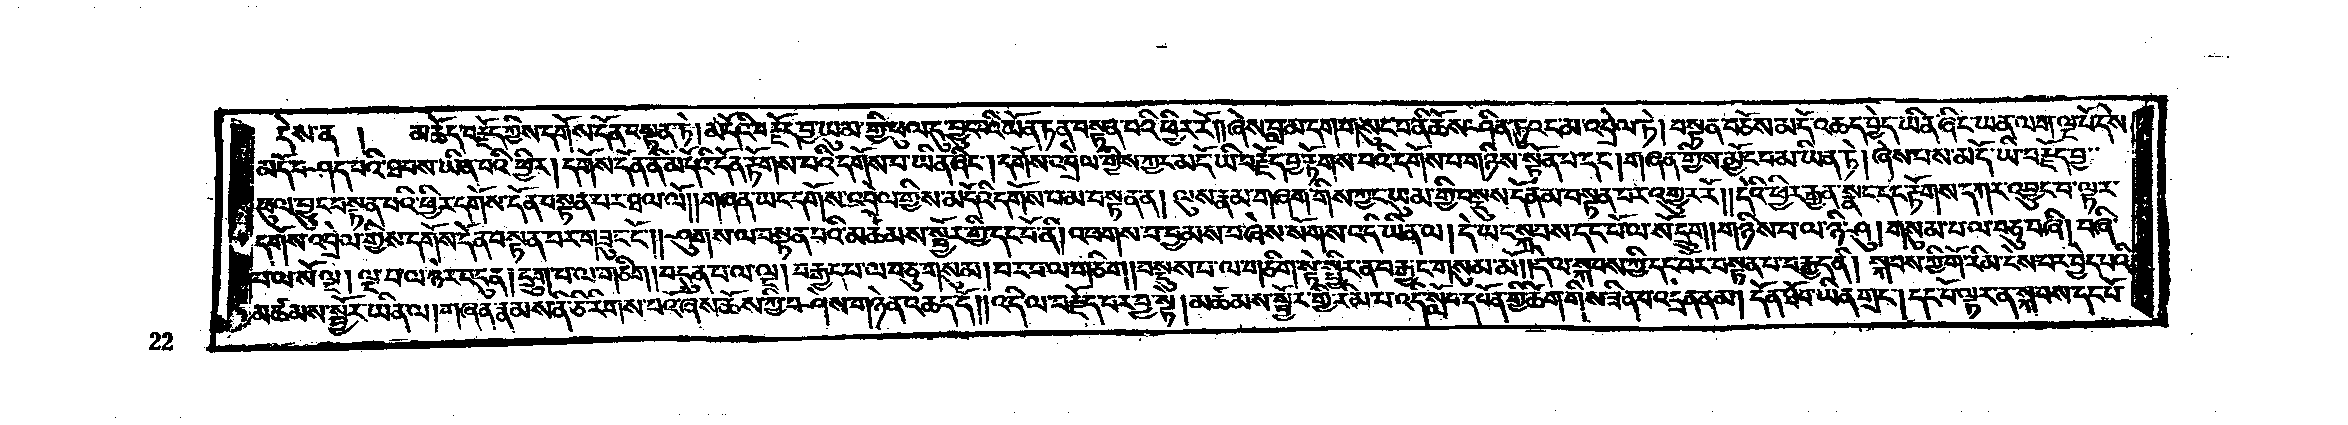དེས་ན། མཆོད་བརྗོད་ཀྱིས་དགོས་དོན་བསྟན་ཏེ། མདོའི་བརྗོད་བྱ་ཡུམ་གྱི་ཕུལ་དུ་བྱུང་བའི་ཡོན་ཏན་བསྟན་པའི་ཕྱིར་རོ། །ཞེས་བླ་མ་དག་གསུང་བ་ནི་ཆེས་ཤིན་ཏུའང་མ་འབྲེལ་ཏེ། བསྟན་བཅོས་མདོ་འཆད་བྱེད་ཡིན་ཞིང་ཡན་ལག་ལྔ་པོ་དེས་
མདོ་བཤད་པའི་ཐབས་ཡིན་པའི་ཕྱིར། དགོས་དོན་ནི་མདོའི་དོན་རྟོགས་པའི་དགོས་པ་ཡིན་ཞིང་། དགོས་འབྲེལ་གྱིས་ཀྱང་མདོ་ཡི་བརྗོད་བྱ་རྟོགས་པའི་དགོས་པ་གཉིས་སྟོན་པ་དང་། གཞན་གྱིས་མྱོང་བ་མ་ཡིན་ཏེ། ཞེས་པས་མདོ་ཡི་བརྗོད་བྱ་
ཕུལ་བྱུང་བསྟན་པའི་ཕྱིར་དགོས་དོན་བསྟན་པར་ཐལ་ལོ། །གཞན་ཡང་དགོས་འབྲེལ་གྱིས་མདོའི་དགོས་པ་མ་བསྟན་ན། ལུས་རྣམ་གཞག་གིས་ཀྱང་ཡུམ་གྱི་བསྡུས་དོན་མ་བསྟན་པར་འགྱུར་རོ། །དེའི་ཕྱིར་རྒྱན་སྣང་དང་རྟོགས་དཀར་འབྱུང་བ་ལྟར་
དགོས་འབྲེལ་གྱིས་དགོས་དོན་བསྟན་པར་གཟུང་ངོ། །ཤུགས་ལ་བསྟན་པའི་མཚམས་སྦྱོར་གྱི་དང་པོ་ནི། འཕགས་པ་བྱམས་པ་ཞེས་སོགས་འདི་ཡིན་ལ། དེ་ཡང་སྐབས་དང་པོ་ལ་སོ་དྲུག །གཉིས་པ་ལ་ཉི་ཤུ། གསུམ་པ་ལ་བཅུ་བཞི། བཞི་
པ་ལ་སོ་ལྔ། ལྔ་པ་ལ་ཉེར་བདུན། དྲུག་པ་ལ་གཅིག །བདུན་པ་ལ་ལྔ། བརྒྱད་པ་ལ་བཅུ་གསུམ། བར་པ་ལ་གཅིག །བསྡུས་པ་ལ་གཅིག་སྟེ་སྤྱིར་ན་བརྒྱ་པ་གསུམ་མོ། །དེ་ལ་སྐབས་ཀྱི་དང་པོར་བསྟན་པ་བརྒྱད་ནི། སྐབས་ཀྱི་གོ་རིམ་ངེས་པར་བྱེད་པའི་
མཚམས་སྦྱོར་ཡིན་ལ། གཞན་རྣམས་ནི་ཅི་རིགས་པའོ་ཞེས་ཆོས་ཀྱི་བ་ཤེས་གཉེན་འཆད་དོ། །འདི་ལ་བརྗོད་པར་བྱ་སྟེ། མཚམས་སྦྱོར་གྱི་རིམ་པ་འདི་སློབ་དཔོན་གྱི་ཚིག་གིས་ཟིན་པ་འདྲེན་ནམ། དོན་ཐོབ་ཡིན་གྲང་། དང་པོ་ལྟར་ན་སྐབས་དང་པོ་